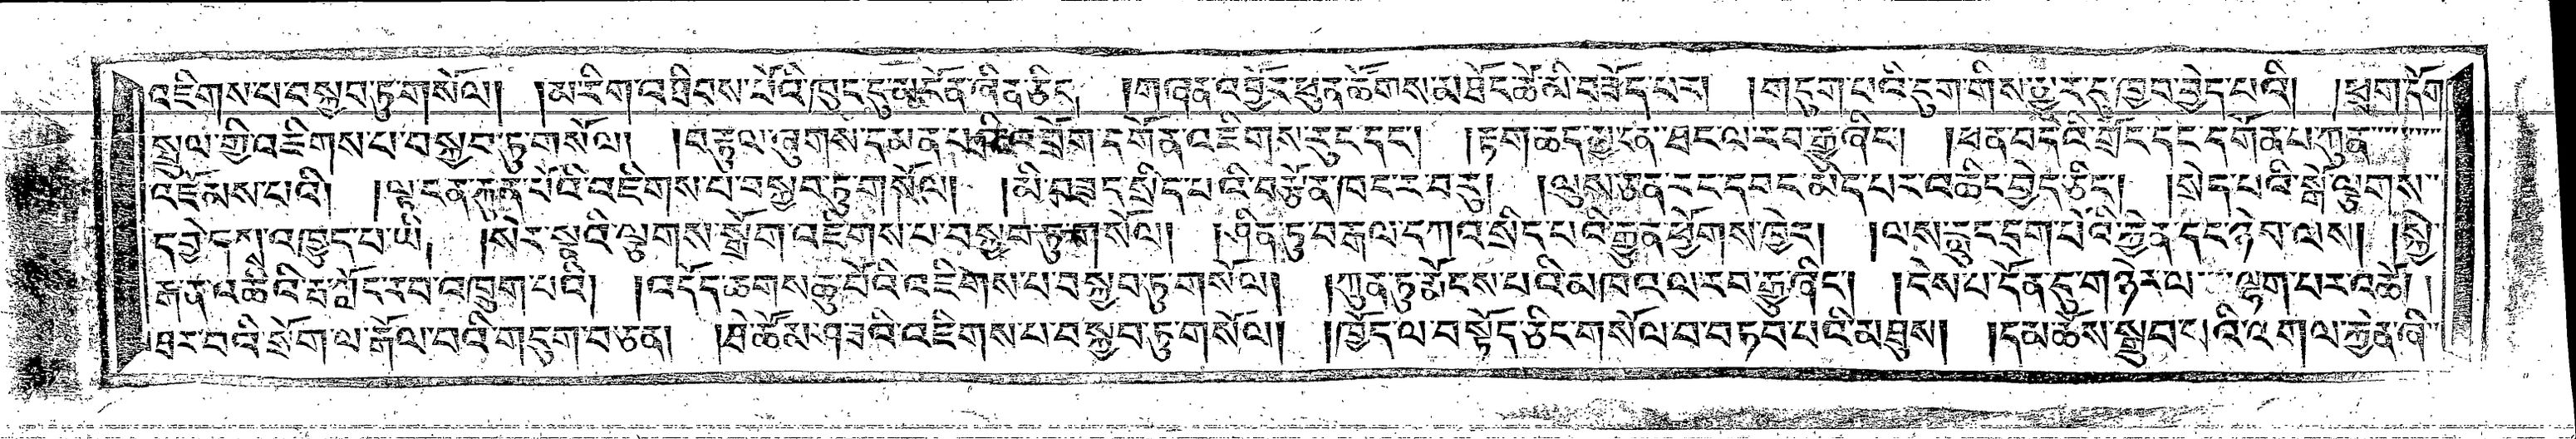འཇིགས་པ་བསྐྱབ་ཏུ་གསོལ། །མ་རིག་འཐིབས་པོའི་ཁུང་དུ་མངོན་ཞིན་ཅིང་། །གཞན་འབྱོར་ཕུན་ཚོགས་མཐོང་ཚེ་མི་བཟོད་པར། །གདུག་པའི་དུག་གིས་མྱུར་དུ་ཁྱབ་བྱེད་པའི། །ཕྲག་དོག་
སྤྲུལ་གྱི་འཇིགས་པ་བསྐྱབ་ཏུ་གསོལ། །བརྟུལ་ཞུགས་དམན་པའི་འབྲོག་དགོན་འཇིགས་རུང་དང་། །རྟག་ཆད་མྱ་ངན་ཐང་ལ་རབ་རྒྱུ་ཞིང་། །ཕན་བདེའི་གྲོང་དང་དགོན་པ་ཀུན་
འཇོམས་པའི། །ལྟ་ངན་རྐུན་པོའི་འཇིགས་པ་བསྐྱབ་ཏུ་གསོལ། །མི་བཟད་སྲིད་པའི་བརྩོན་ཁང་ར་བ་རུ། །ལུས་ཅན་རང་དབང་མེད་པར་འཆིང་བྱེད་ཅིང་། །སྲེད་པའི་སྒོ་ལྕགས་
དབྱེ་དཀས་འཁྱུད་པ་ཡི། །སེར་སྣའི་ལྕགས་སྒྲོག་འཇིགས་པ་བསྐྱབ་ཏུ་གསོལ། །ཤིན་ཏུ་བརྒལ་དཀའ་སྲིད་པའི་རྒྱུན་ཕྱོགས་ཁྱེར། །ལས་རླུང་དྲག་པོའི་རྐྱེན་དང་ཉེ་བ་ལས། །སྐྱེ་
རྒན་འཆིའི་རྦ་ཀློང་རབ་འཁྲུག་པའི། །འདོད་ཆགས་ཆུ་བོའི་འཇིགས་པ་བསྐྱབ་ཏུ་གསོལ། །ཀུན་ཏུ་རྨོངས་པའི་མཁའ་ལ་རབ་རྒྱུ་ཞིང་། །ངེས་པ་དོན་དུ་གཉེར་ལ་ལྷག་པར་འཚེ། །
ཐར་བའི་སྲོག་ལ་རྒོལ་བའི་གདུག་པ་ཅན། །ཐེ་ཚོམ་ཤ་ཟའི་འཇིགས་པ་བསྐྱབ་ཏུ་གསོལ། །ཁྱོད་ལ་བསྟོད་ཅིང་གསོལ་བ་བཏབ་པའི་མཐུས། །དམ་ཆོས་སྒྲུབ་པའི་འགལ་རྐྱེན་ཞི་